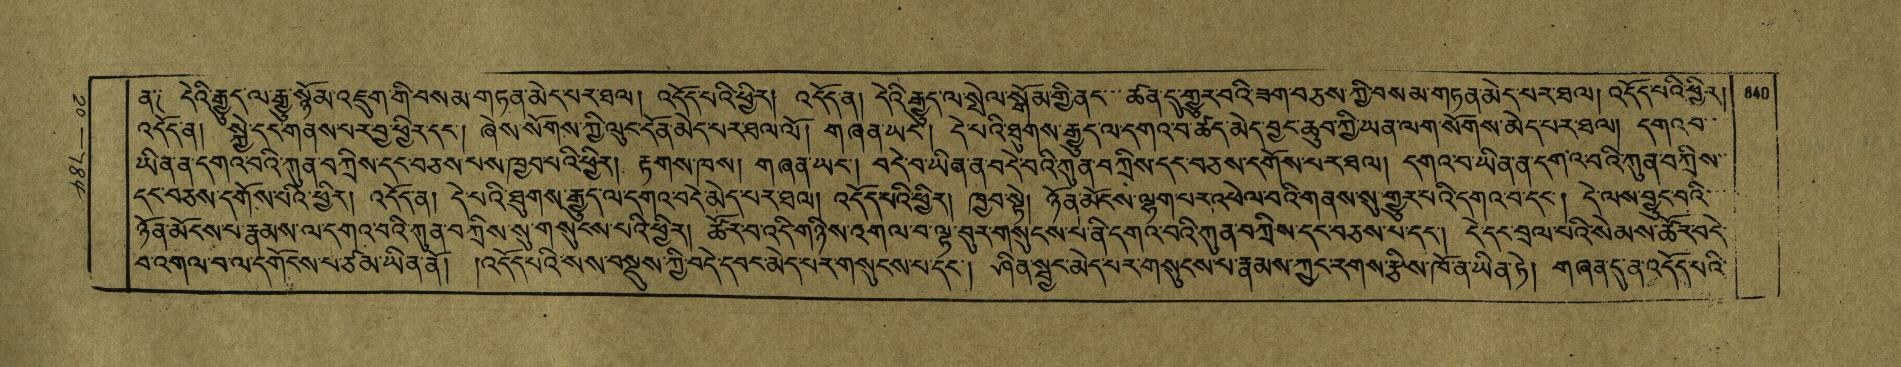ན༑ དེའི་རྒྱུད་ལ་རྒྱུ་སྙོམ་འཇུག་གི་བསམ་གཏན་མེད་པར་ཐལ། འདོད་པའི་ཕྱིར། འདོད་ན། དེའི་རྒྱུད་ལ་སྤེལ་སྒོམ་གྱི་ནང་ཚན་དུ་གྱུར་བའི་ཟག་བཅས་ཀྱི་བསམ་གཏན་མེད་པར་ཐལ། འདོད་པའི་ཕྱིར།
འདོད་ན། སྐྱེ་དང་གནས་པར་བྱ་ཕྱིར་དང་། ཞེས་སོགས་ཀྱི་ལུང་དོན་མེད་པར་ཐལ་ལོ། གཞན་ཡང་། དེ་པའི་ཐུགས་རྒྱུད་ལ་དགའ་བ་ཚད་མེད་བྱང་ཆུབ་ཀྱི་ཡན་ལག་སོགས་མེད་པར་ཐལ། དགའ་བ་
ཡིན་ན་དགའ་བའི་ཀུན་བཀྲིས་དང་བཅས་པས་ཁྱབ་པའི་ཕྱིར། རྟགས་ཁས། གཞན་ཡང་། བདེ་བ་ཡིན་ན་བདེ་བའི་ཀུན་བཀྲིས་དང་བཅས་དགོས་པར་ཐལ། དགའ་བ་ཡིན་ན་དགའ་བའི་ཀུན་བཀྲིས་
དང་བཅས་དགོས་པའི་ཕྱིར། འདོད་ན། དེ་པའི་ཐུགས་རྒྱུད་ལ་དགའ་བདེ་མེད་པར་ཐལ། འདོད་པའི་ཕྱིར། ཁྱབ་སྟེ། ཉོན་མོངས་ལྷག་པར་འཕེལ་བའི་གནས་སུ་གྱུར་པའི་དགའ་བ་དང་། དེ་ལས་བྱུང་བའི་
ཉོན་མོངས་པ་རྣམས་ལ་དགའ་བའི་ཀུན་བཀྲིས་སུ་གསུངས་པའི་ཕྱིར། ཚོར་བ་འདི་གཉིས་འགལ་བ་ལྟ་བུར་གསུངས་པ་ནི་དགའ་བའི་ཀུན་བཀྲིས་དང་བཅས་པ་དང་། དེ་དང་བྲལ་པའི་སེམས་ཚོར་བདེ་
བ་འགལ་བ་ལ་དགོངས་པ་ཙམ་ཡིན་ནོ། །འདོད་པའི་སས་བསྡུས་ཀྱི་བདེ་དབང་མེད་པར་གསུངས་པ་དང་། ཤིན་སྦྱང་མེད་པར་གསུངས་པ་རྣམས་ཀྱང་རགས་རྩིས་ཁོ་ན་ཡིན་ཏེ། གཞན་དུ་ན་འདོད་པའི་